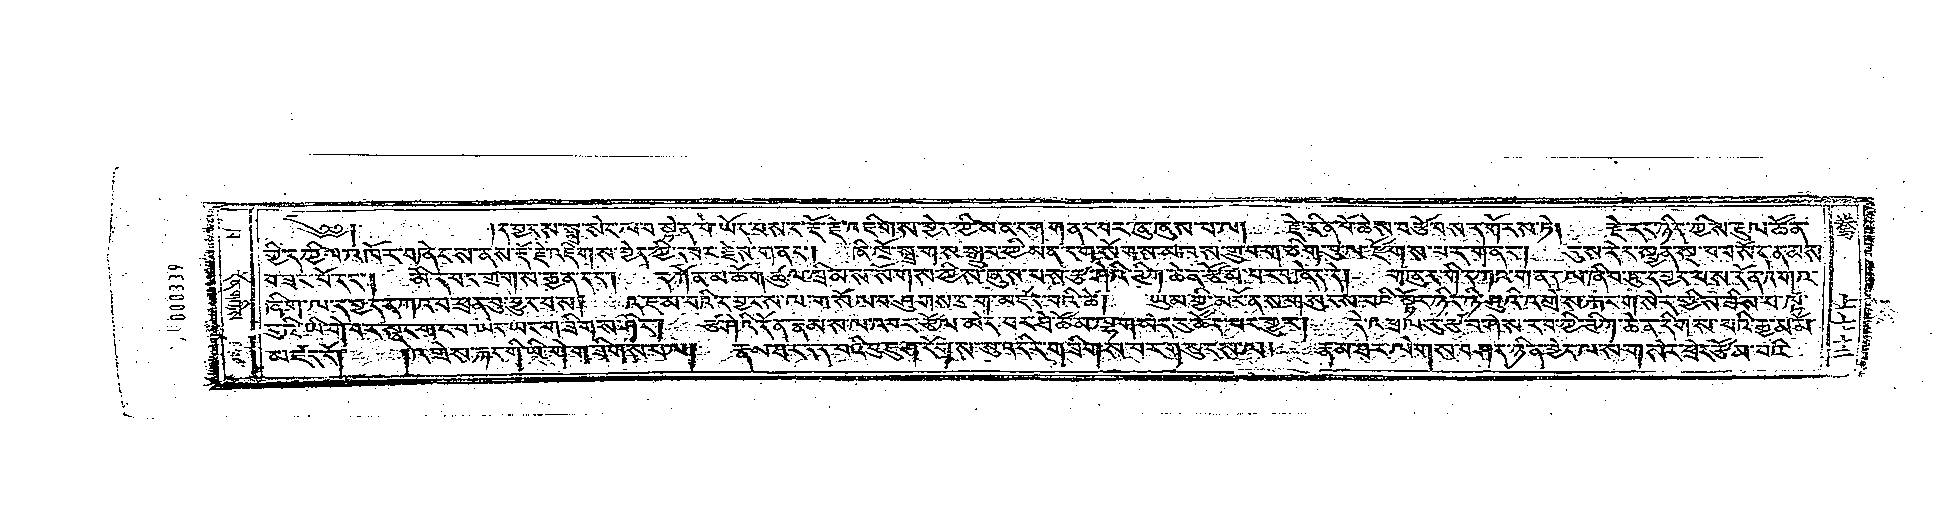༄༅། །དབྱངས་སྨྲ་སེང་ལ་བསྟེན་པ་ཡོད་པས་ད་རྡོ་རྗེ་འཇིགས་བྱེད་ཀྱི་མན་ངག་གནང་བར་ཞུ་ཞུས་པ་ལ། རྗེ་རིན་པོ་ཆེས་བརྩེ་བས་དགོངས་ཏེ། རྗེ་རང་ཉིད་ཀྱིས་རྡུལ་ཚོན་
གྱི་དཀྱིལ་འཁོར་བཞེངས་ནས་རྡོ་རྗེ་འཇིགས་བྱེད་ཀྱི་དབང་རྗེས་གནང་། ཞི་ཁྲོ་སྦྲགས་སྒྲུབ་ཀྱི་མན་ངག་སོགས་མཁས་གྲུབ་གཅིག་པུ་ལ་རྫོགས་པར་གནང་། དུས་དེར་སྤྱན་སྔ་བ་བསོད་ནམས་
བཟང་པོ་དང་། མི་དབང་གྲགས་རྒྱན་དང་། དཀོན་མཆོག་ཚུལ་ཁྲིམས་སོགས་ཀྱིས་ཞུས་པས་རྩ་ཤེའི་ཊིཀ་ཆེན་རྩོམ་པར་བཞེད་དེ། གཞུང་གི་དཀའ་གནད་ལ་ཞིབ་ཏུ་དཔྱད་པས་དོན་འགའ་
ཞིག་ལ་དབྱད་དཀའ་བ་ཕྲན་བུ་བྱུང་བས། འཇམ་པའི་དབྱངས་ལ་གསོལ་བ་ཤུགས་དྲ་ག་མཛད་བའི་ཚེ། ཡུམ་གྱི་མདོ་ནས་གསུངས་པའི་སྟོང་ཉིད་ཉི་ཤུའི་འགྲེས་རྐང་གསེར་གྱིས་བྲིས་བ་ལྟ་
བུའི་ཡི་གེ་བར་སྣང་གང་བ་ཡང་ཡང་གཟིགས་ཤིང་། རྩ་ཤེའི་དོན་རྣམས་ལ་འབད་རྩོལ་མེད་པར་ཐེ་ཚོམ་ལྷག་མེད་དུ་ཚོད་པར་གྱུར། དེ་འཕྲལ་དུ་རྩ་བཤེས་རབ་ཀྱི་ཊིཀ་ཆེན་རིགས་པའི་རྒྱ་མ་མོ་
མཛད་ངོ། །འགྲེས་རྐང་གི་ཡི་གེ་གཟིགས་པ་ལ། རྣམ་ཐར་དད་པའི་བུ་ཇུ་ཤ་རོགས་སུ་འདིར་གཟིགས་པར་གསུངས་ལ། རྣམ་ཐར་ལེགས་བཤད་ཉིན་བྱེད་ལས་གསེར་ཕྲེང་རྩོམ་བའི་